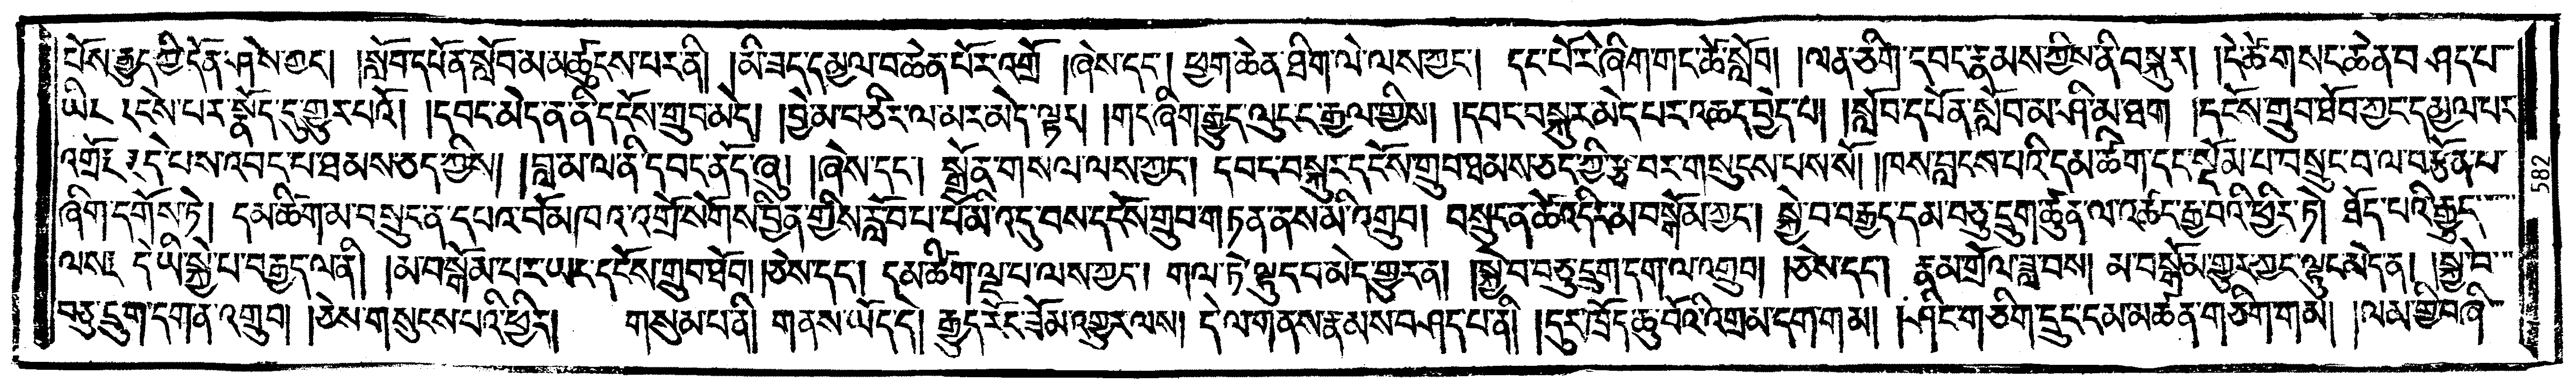པོས་རྒྱུད་ཀྱི་དོན་ཤེས་ཀྱང་། །སློབ་དཔོན་སློབ་མ་མཚུངས་པར་ནི། །མི་ཟད་དམྱལ་བ་ཆེན་པོར་འགྲོ་།ཞེས་དང་། ཕྱག་ཆེན་ཐིག་ལེ་ལས་ཀྱང་། དང་པོ་རེ་ཞིག་གང་ཚེ་སློབ། །ལན་ཅིག་དབང་རྣམས་ཀྱིས་ནི་བསྐུར། །དེ་ཚེ་གསང་ཆེན་བཤད་པ་
ཡི༑ ༑ངེས་པར་སྣོད་དུ་གྱུར་པའོ། །དབང་མེད་ན་ནི་དངོས་གྲུབ་མེད། །བྱེ་མ་བཙིར་ལ་མར་མེད་ལྟར། །གང་ཞིག་རྒྱུད་ལུང་ང་རྒྱལ་གྱིས། །དབང་བསྐུར་མེད་པར་འཆད་བྱེད་པ། །སློབ་དཔོན་སློབ་མ་ཤི་མ་ཐག །དངོས་གྲུབ་ཐོབ་ཀྱང་དམྱལ་པར་
འགྲོ༑ ༑དེ་པས་འབད་པ་ཐམས་ཅད་ཀྱིས། །བླ་མ་ལ་ནི་དབང་ནོད་ཞུ། །ཞེས་དང་། སྒྲོན་གསལ་ལས་ཀྱང་། དབང་བསྐུར་དངོས་གྲུབ་ཐམས་ཅད་ཀྱི་རྩ་བར་གསུངས་པས་སོ། །ཁས་བླངས་པའི་དམ་ཚིག་དང་སྡོམ་པ་བསྲུང་བ་ལ་བརྩོན་པ་
ཞིག་དགོས་ཏེ། དམ་ཚིག་མ་བསྲུང་ན་དཔའ་བོ་མཁའ་འགྲོ་སོགས་བྱིན་གྱིས་རློབ་པ་པོ་མི་འདུ་བས་དངོས་གྲུབ་གཏན་ནས་མི་འགྲུབ། བསྲུང་ན་ཚེ་འདིར་མ་བསྒོམ་ཀྱང་། སྐྱེ་བ་བརྒྱད་དམ་བཅུ་དྲུག་ཚུན་ལ་འཚང་རྒྱ་བའི་ཕྱིར་ཏེ། ཐོད་པའི་རྒྱུད་
ལས༑ དེ་ཡི་སྐྱེ་པ་བརྒྱད་ལ་ནི། །མ་བསྒོམ་པར་ཡང་དངོས་གྲུབ་ཐོབ། །ཅེས་དང་། དམ་ཚིག་ལྔ་པ་ལས་ཀྱང་། གལ་ཏེ་ལྟུང་བ་མེད་གྱུར་ན། །སྐྱེ་བ་བཅུ་དྲུག་དག་ལ་འགྲུབ། །ཅེས་དང་། རྣམ་གྲོལ་ཟླ་བས། མ་བསྒོམ་གྱུར་ཀྱང་ལྷུང་མེད་ན། །སྐྱེ་བ་
བཅུ་དྲུག་དག་ན་འགྲུབ། །ཅེས་གསུངས་པའི་ཕྱིར། གསུམ་པ་ནི། གནས་ཡོད་དེ། རྒྱུད་རོང་ཟོམ་འགྱུར་ལས། དེ་ལ་གནས་རྣམས་བཤད་པ་ནི། །དུར་ཁྲོད་ཆུ་བོའི་འགྲམ་དག་གམ། །ཤིང་གཅིག་དྲུང་ངམ་མཚན་གཅིག་གམ། །ལམ་གྱི་བཞི་